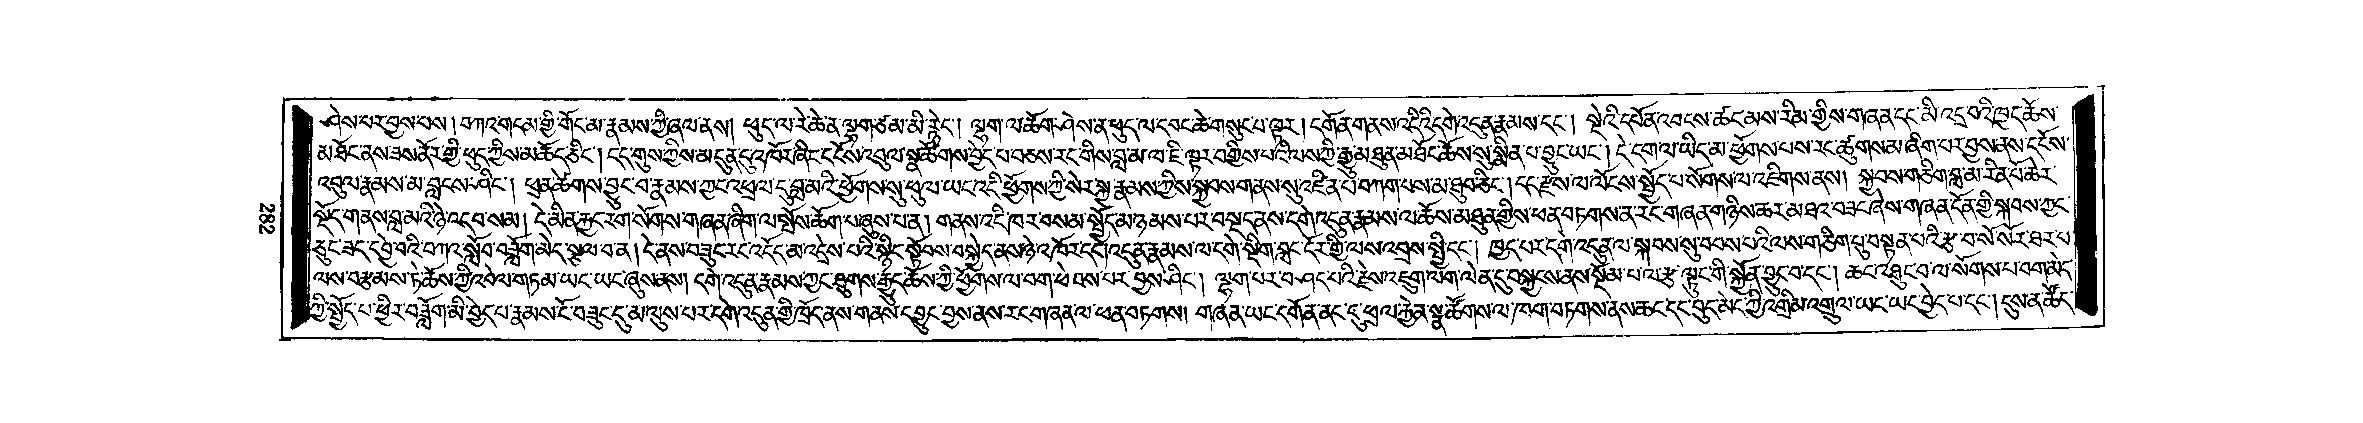ཤེས་པར་བྱས་པས། བཀའ་གདམ་གྱི་གོང་མ་རྣམས་ཀྱི་ཞལ་ནས། ཕུད་ལ་རེ་ཆེ་ན་ལྷག་ཙམ་མི་རྙེད། ལྷག་ལ་ཆོག་ཤེས་ན་ཕུད་ལ་དབང་ཆེ་གསུང་པ་ལྟར། དགོན་གནས་འདིའི་དགེ་འདུན་རྣམས་དང་། སྡེའི་དཔོན་འབངས་ཚང་མས་རིམ་གྱིས་གཞན་དང་མི་འདྲ་བའི་ཁྱད་ཆོས་
མཐོང་ནས་ཟས་ནོར་གྱི་ཕུད་ཀྱིས་མཆོད་ཅིང་། དད་གུས་ཀྱིས་མདུན་དུ་འཁོར་ཞིང་དངོས་འབུལ་སྣ་ཚོགས་བྱེད་པ་བཅས་རང་གིས་བླ་མ་ལ་ཇི་ལྟར་བགྱིས་པའི་ལས་ཀྱི་རྒྱུ་མཐུན་མཐོང་ཆོས་སུ་སྨིན་པ་བྱུང་ཡང་། དེ་དག་ལ་ཡིད་མ་ཕྱོགས་པས་རང་ཚུགས་མ་ཞིག་པར་བྱས་ནས་དངོས་
འབུལ་རྣམས་མ་བླངས་ཤིང་། ཕྲན་ཚེགས་བྱུང་བ་རྣམས་ཀྱང་འཕྲལ་དུ་བླ་མའི་ཕྱོགས་སུ་ཕུལ་ཡང་འདི་ཕྱོགས་ཀྱི་སེར་སྐྱ་རྣམས་ཀྱིས་སྐྱབས་གནས་སུ་འཛིན་པ་བཀག་པས་མ་ཐུབ་ཅིང་། དད་རྫས་ལ་ལོངས་སྤྱོད་པ་སོགས་ལ་འཇིགས་ནས། སྐྱབས་གཅིག་བླ་མ་རིན་པོ་ཆེར་
སྡོད་གནས་བླ་མའི་ཉེ་འདབ་སམ། དེ་མིན་རྐྱང་རག་སོགས་གཞན་ཞིག་ལ་སྤོས་ཆོག་པ་ཞུས་པ་ན། གནས་འདི་ཁར་བསམ་སྤྱོད་མ་ཉམས་པར་བསྡད་ནས་དགེ་འདུན་རྣམས་ལ་ཆོས་མཐུན་གྱིས་ཕན་བཏགས་ན་རང་གཞན་གཉིས་ཆར་མཐའ་བཟང་ཞེས་གཞན་དོན་གྱི་སྐབས་ཀྱང་
ཅུང་ཟད་དབྱེ་བའི་བཀའ་སློབ་བཟློག་མེད་སྩལ་བ་ན། དེ་ནས་བཟུང་རང་འདོད་མ་འདྲེས་པའི་སྙིང་སྟོབས་བསྐྱེད་ནས་ཉེ་འཁོར་དང་། འདུན་རྣམས་ལ་དགེ་སྡིག་བླང་དོར་གྱི་ལས་འབྲས་སྤྱི་དང་། ཁྱད་པར་དགེ་འདུན་ལ་སྐབས་སུ་བབས་པའི་ལས་གཅིག་པུ་བསྟན་པའི་རྩ་བ་སོ་སོར་ཐར་པ་
ལས་བརྩམས་ཏེ་ཆོས་ཀྱི་འབེལ་གཏམ་ཡང་ཡང་ཞུས་ནས། དགེ་འདུན་རྣམས་ཀྱང་ཐུགས་རྒྱུད་ཆོས་ཀྱི་ཕྱོགས་ལ་བག་ཕེབས་པར་བྱས་ཤིང་། ལྷག་པར་བཤད་པའི་རྗེས་འཇུག་ལག་ལེན་དུ་བསྐྱངས་ནས་སྡོམ་པ་ལ་རྩ་ལྟུང་གི་སྐྱོན་བྱུང་བ་དང་། ཆང་འཐུང་བ་ལ་སོགས་པ་བག་མེད་
ཀྱི་སྤྱོད་པ་ཕྱིར་བཟློག་མི་བྱེད་པ་རྣམས་ངོ་བཟུང་དུ་མ་ལུས་པར་དགེ་འདུན་གྱི་ཁྲོད་ནས་གནས་དབྱུང་བྱས་ནས་རང་གཞན་ལ་ཕན་བཏགས། གཞན་ཡང་དགོན་ནང་དུ་ཕྲལ་རྐྱེན་སྣ་ཚོགས་ལ་ཁག་བཏགས་ནས་ཆང་དང་བུད་མེད་ཀྱི་འགྲིམ་འགྲུལ་ཡང་ཡང་བྱེད་པ་དང་། དུས་ན་ཚོད་